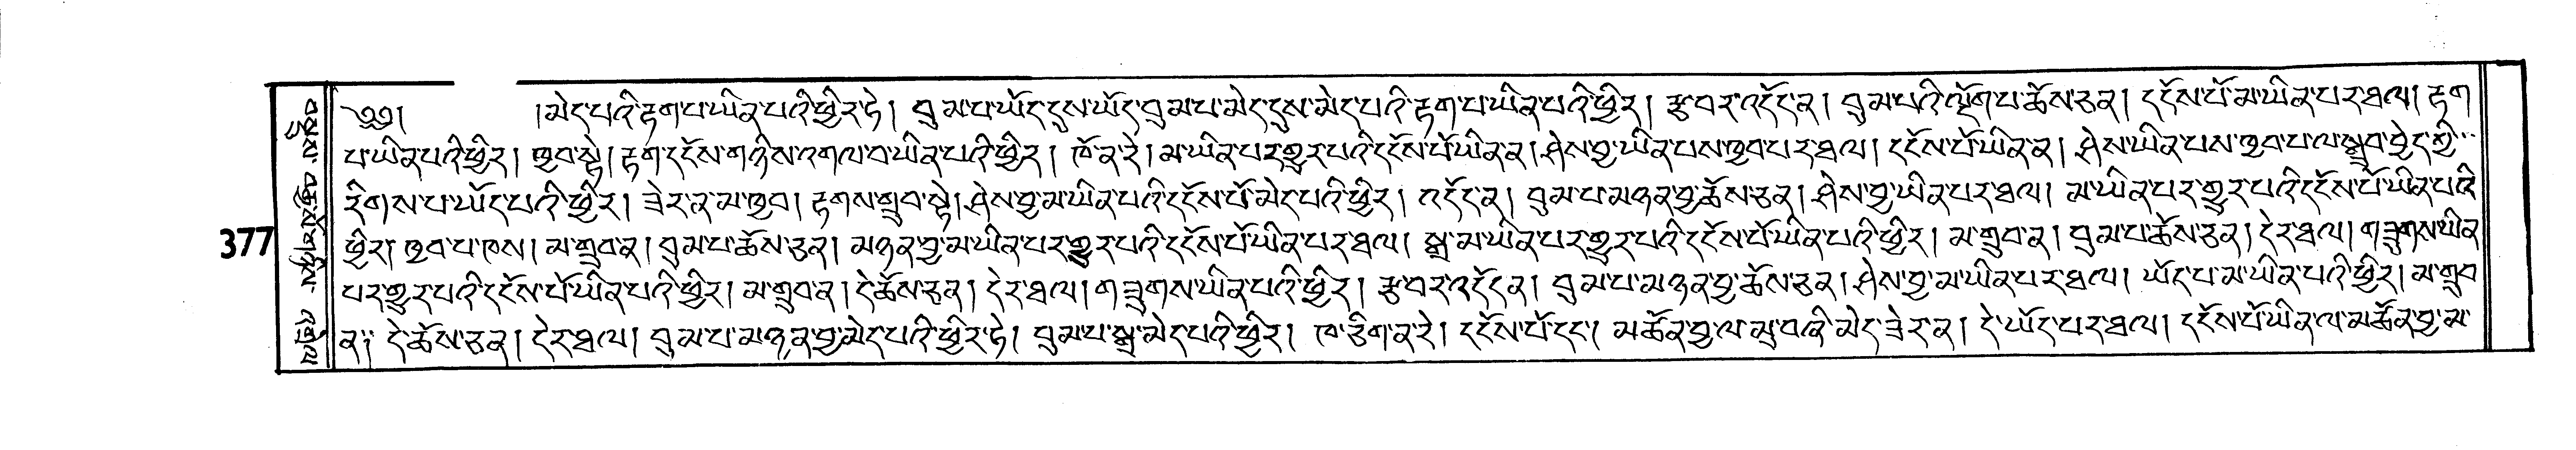༄༅། །མེད་པའི་རྟག་པ་ཡིན་པའི་ཕྱིར་ཏེ། བུམ་པ་ཡོད་དུས་ཡོད་བུམ་པ་མེད་དུས་མེད་པའི་རྟག་པ་ཡིན་པའི་ཕྱིར། རྩ་བར་འདོད་ན། བུམ་པའི་ལྡོག་པ་ཆོས་ཅན། དངོས་པོ་མ་ཡིན་པར་ཐལ། རྟག་
པ་ཡིན་པའི་ཕྱིར། ཁྱབ་སྟེ། རྟག་དངོས་གཉིས་འགལ་བ་ཡིན་པའི་ཕྱིར། ཁོ་ན་རེ། མ་ཡིན་པར་གྱུར་པའི་དངོས་པོ་ཡིན་ན། ཤེས་བྱ་ཡིན་པས་ཁྱབ་པར་ཐལ། དངོས་པོ་ཡིན་ན། ཤེས་ཡིན་པས་ཁྱབ་པ་ལ་སྒྲུབ་བྱེད་ཀྱི་
རིགས་པ་ཡོད་པའི་ཕྱིར། ཟེར་ན་མ་ཁྱབ། རྟགས་གྲུབ་སྟེ། ཤེས་བྱ་མ་ཡིན་པའི་དངོས་པོ་མེད་པའི་ཕྱིར། འདོད་ན། བུམ་པ་མཉན་བྱ་ཆོས་ཅན། ཤེས་བྱ་ཡིན་པར་ཐལ། མ་ཡིན་པར་གྱུར་པའི་དངོས་པོ་ཡིན་པའི་
ཕྱིར༑ ཁྱབ་པ་ཁས། མ་གྲུབ་ན། བུམ་པ་ཆོས་ཅན། མཉན་བྱ་མ་ཡིན་པར་གྱུར་པའི་དངོས་པོ་ཡིན་པར་ཐལ། སྒྲ་མ་ཡིན་པར་གྱུར་པའི་དངོས་པོ་ཡིན་པའི་ཕྱིར། མ་གྲུབ་ན། བུམ་པ་ཆོས་ཅན། དེར་ཐལ། གཟུགས་ཡིན་
པར་གྱུར་པའི་དངོས་པོ་ཡིན་པའི་ཕྱིར། མ་གྲུབ་ན། དེ་ཆོས་ཅན། དེར་ཐལ། གཟུགས་ཡིན་པའི་ཕྱིར། རྩ་བར་འདོད་ན། བུམ་པ་མཉན་བྱ་ཆོས་ཅན། ཤེས་བྱ་མ་ཡིན་པར་ཐལ། ཡོད་པ་མ་ཡིན་པའི་ཕྱིར། མ་གྲུབ་
ན༑ དེ་ཆོས་ཅན། དེར་ཐལ། བུམ་པ་མཉན་བྱ་མེད་པའི་ཕྱིར་ཏེ། བུམ་པ་སྒྲ་མེད་པའི་ཕྱིར། ཁ་ཅིག་ན་རེ། དངོས་པོ་དང་། མཚོན་བྱ་ལ་མུ་བཞི་མེད་ཟེར་ན། དེ་ཡོད་པར་ཐལ། དངོས་པོ་ཡིན་ལ་མཚོན་བྱ་མ་